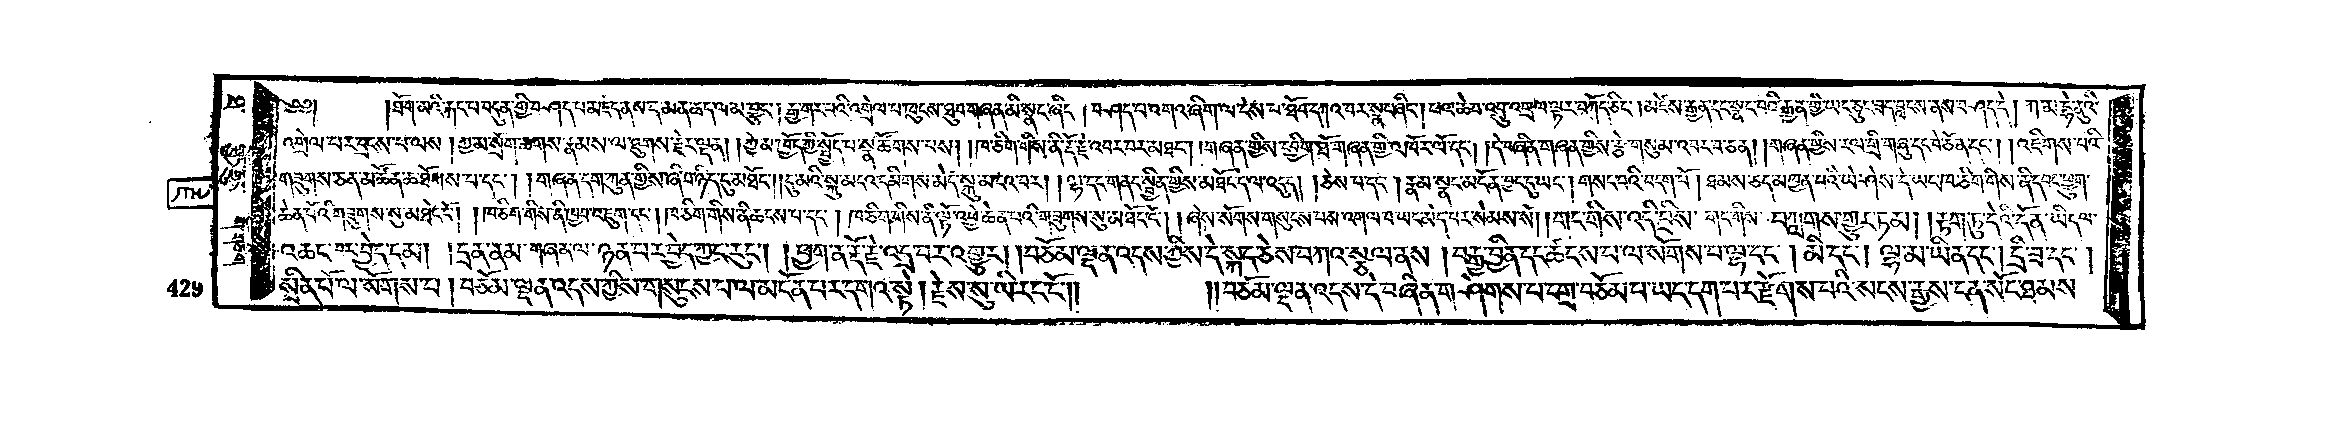༄༅། །ཐོག་མའི་རྐང་པ་བདུན་གྱི་བཤད་པ་མཛད་ནས་དེ་མན་ཆད་ལ་མ་བྱུང་། རྒྱ་གར་པའི་འགྲེལ་པ་ཁུངས་ཐུབ་གཞན་མི་སྣང་ཞིང་། བཤད་པ་འགའ་ཞིག་ལ་ངེས་པ་ཐོབ་དཀའ་བར་སྣང་ཞིང་། ཕལ་ཆེ་བ་འབྲུ་འགྲལ་ལྟར་བཀོད་ཅིང་། མཛེས་རྒྱན་དང་སྣང་བའི་རྒྱན་གྱི་ཡང་ཅུང་ཟད་བླངས་ནས་བཤད་དེ། ཀ་མ་དྷེ་ནུའི་
འགྲེལ་པར་དྲངས་པ་ལས། ཀྱེ་མ་སྲོག་ཆགས་རྣམས་ལ་ཐུགས་རྗེར་ལྡན། །ཀྱེ་མ་ཁྱོད་ཀྱི་སྤྱོད་པ་སྣ་ཚོགས་པས། །ཁ་ཅིག་གིས་ནི་རྡོ་རྗེ་འབར་བར་མཐོང་། །གཞན་གྱིས་དབྱིག་ཐོ་གཞན་གྱི་འཁོར་ལོ་དང་། །དེ་བཞིན་གཞན་གྱིས་རྩེ་གསུམ་འབར་བ་ཅན། །གཞན་གྱིས་རལ་གྲི་གཞུ་དང་བེ་ཅོན་དང་། །འཇིགས་པའི་
གཟུགས་ཅན་མཚོན་ཆ་ཐོགས་པ་དང་། །གཞན་དག་ཀུན་གྱིས་ཞི་བ་ཉིད་དུ་མཐོང་། །དུ་མའི་སྐུ་མངའ་དམིགས་མེད་སྐུ་མངའ་བར། །ལྷ་དང་གནོད་སྦྱིན་གྱིས་མཐོང་དེ་ལ་འདུད། །ཅེས་པ་དང་། རྣམ་སྣང་མངོན་བྱང་དུ་ཡང་། གསང་བའི་བདག་པོ། ཐམས་ཅད་མཁྱེན་པའི་ཡེ་ཤེས་དེ་ཡང་ཁ་ཅིག་གིས་ནི་དབང་ཕྱུག་
ཆེན་པོའི་གཟུགས་སུ་མཐོང་ངོ། །ཁ་ཅིག་གིས་ནི་ཁྱབ་འཇུག་དང་། ཁ་ཅིག་གིས་ནི་ཚངས་པ་དང་། ཁ་ཅིག་གིས་ནི་ལྟོ་འཕྱེ་ཆེན་པའི་གཟུགས་སུ་མཐོང་ངོ། །ཞེས་སོགས་གསུངས་པ་འགལ་བ་ཡང་མེད་པར་སེམས་སོ། །གང་གིས་འདི་བྲིས་གང་གིས་བཀླགས་གྱུར་ཏམ། །རྟག་ཏུ་དེའི་དོན་ཡིད་ལ་
འཆང་བར་བྱེད་དམ། །དྲན་ནམ་གཞན་ལ་ཉན་པར་བྱེད་ཀྱང་རུང་། །ཕྱག་ན་རྡོ་རྗེ་འདྲ་བར་འགྱུར། །བཅོམ་ལྡན་འདས་ཀྱིས་དེ་སྐད་ཅེས་བཀའ་སྩལ་ནས། བརྒྱ་བྱིན་དང་ཚངས་པ་ལ་སོགས་པ་ལྷ་དང་། མི་དང་། ལྷ་མ་ཡིན་དང་། དྲི་ཟ་དང་།
སྲིན་པོ་ལ་སོགས་པ། བཅོམ་ལྡན་འདས་ཀྱིས་གསུངས་པ་ལ་མངོན་པར་དགའ་སྟེ། རྗེས་སུ་ཡི་རང་ངོ།། །།བཅོམ་ལྡན་འདས་དེ་བཞིན་གཤེགས་པ་དགྲ་བཅོམ་པ་ཡང་དག་པར་རྫོགས་པའི་སངས་རྒྱས་ངན་སོང་ཐམས་